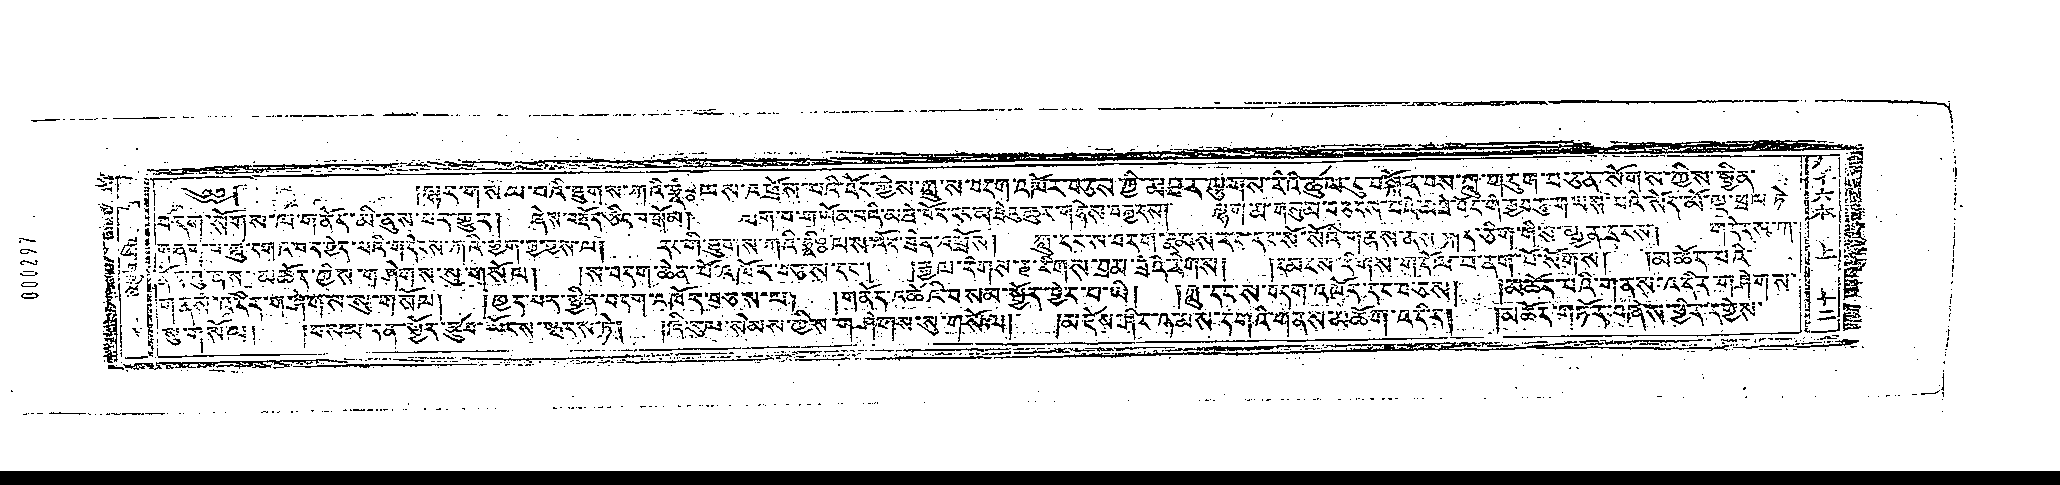༄༅། །ལྷར་གསལ་བའི་ཐུགས་ཀའི་ཧྲཱིཿ་ལས་འཕྲོས་བའི་འོད་ཀྱིས་ཀླུ་ས་བདག་འཁོར་བཅས་ཀྱི་མཐར་ལྕགས་རིའི་ཚུལ་དུ་བསྐོར་བས་ཀླུ་གདུག་པ་ཅན་སོགས་ཀྱིས་སྦྱིན་
བདག་སོགས་ལ་གནོད་མི་ནུས་བར་གྱུར། ཞེས་བརྗོད་ཅིང་བསྒོམ། ལག་པ་གཡོན་པའི་མཐེ་བོང་དང་མཐེའུ་ཆུང་གཉིས་བརྐྱངས། ལྷག་མ་གསུམ་བཅད་ས་པའི་མཐེ་བོང་གི་རྒྱབ་ཏུ་གཡས་པའི་སོར་མོ་ལྔ་ཕྲལ་ཏེ་
གཞག་པ་ཀླུ་དགའ་བར་བྱེད་པའི་གདེངས་ཀའི་ཕྱག་རྒྱ་བྱས་ལ། རང་གི་ཐུགས་གའི་ཧཱིཿ་ལས་འོད་ཟེར་འཕྲོས། ཀླུ་དང་ས་བདག་རྣམས་རང་རང་སོ་སོའི་གནས་ནས་སྐད་ཅིག་གིས་སྤྱན་དྲངས། གདེངས་ཀ་
ནོར་བུ་ནས་མཆོད་ཀྱིས་གཤེགས་སུ་གསོལ། །ས་བདག་ཆེན་པོ་འཁོར་བཅས་དང་། །རྒྱལ་རིགས་རྗེ་རིགས་བྲམ་ཟོའི་རིགས། །དམངས་རིགས་གདོལ་པ་ནག་པོ་སོགས། མཆོད་བའི་
གནས་འདིད་གཤེགས་སུ་གསོལ། །ཁྱད་པར་སྦྱིན་བདག་འཁོར་བཅས་ལ། །གནོད་འཚེའི་བསམ་སྦྱོར་བྱེད་པ་ཡི། །ཀླུ་དང་ས་བདག་འཁོར་དང་བཅས། །མཆོད་བའི་གནས་འདིར་གཤེགས་
སུ་གསོལ། །བསམ་དོན་སྦྱོར་ཙུབ་ཡོངས་སྤངས་ཏེ། །ཞི་དུལ་སེམས་ཀྱིས་གཤེགས་སུ་གསོལ། །མཛེས་ཤིང་ཉམས་དགའི་གནས་མཆོག་འདིར། །མཆོད་གཏོར་བཞེས་ཕྱིར་དགྱེས་